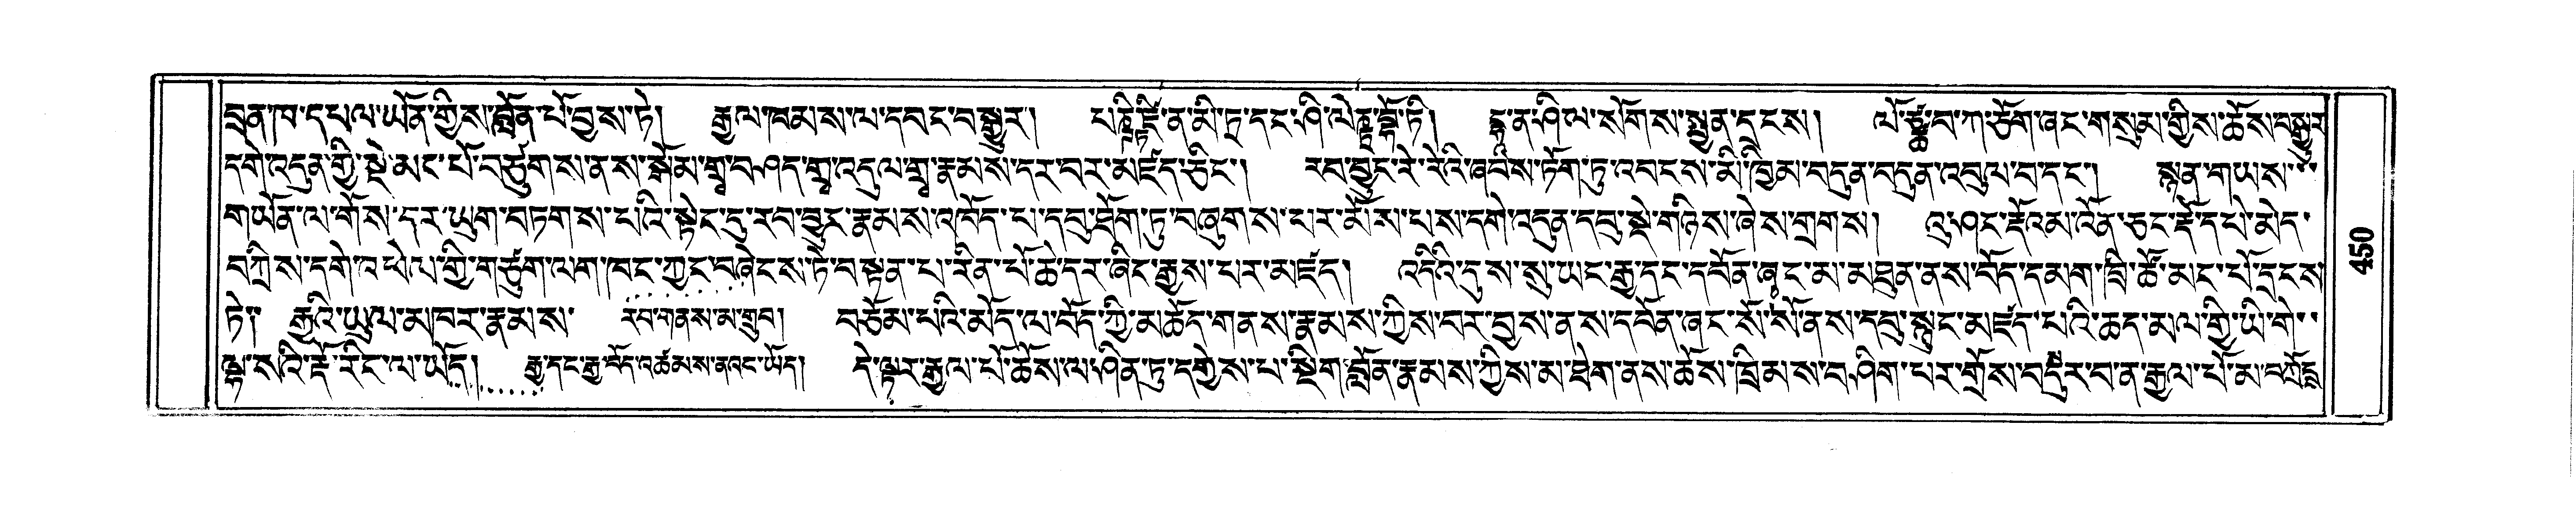བྲན་ཁ་དཔལ་ཡོན་གྱིས་བློན་པོ་བྱས་ཏེ། རྒྱལ་ཁམས་ལ་དབང་བསྒྱུར། པཎྚི་ཛྟི་ན་མི་ཏྲ་དང་ཤི་ལེཎྟྲ་བྷོ་ཏི། དྷཱ་ན་ཤི་ལ་སོགས་སྤྱན་དྲངས། ལོ་ཙྪ་བ་ཀ་ཅོག་ཞང་གསུམ་གྱིས་ཆོས་བསྒྱུར་
དགེ་འདུན་གྱི་སྡེ་མང་པོ་བཙུགས་ནས་སྒོམ་གྲྭ་བཤད་གྲྭ་འདུལ་གྲྭ་རྣམས་དར་བར་མཛད་ཅིང་། རབ་བྱུང་རེ་རེའི་ཞབས་ཏོག་ཏུ་འབངས་མི་ཁྱིམ་བདུན་བདུན་འབུལ་བ་དང་། སྙན་གཡས་
གཡོན་ལ་གོས་དར་ཡུག་བཏགས་པའི་སྟེང་དུ་རབ་བྱུང་རྣམས་འཁོད་པ་དབུ་ཐོག་ཏུ་བཞུགས་པར་མོས་པས་དགེ་འདུན་དབུ་སྡེ་གཉིས་ཞེས་གྲགས། འུ་ཤང་རྡོའམ་འོན་ཅང་རྡོ་དཔེ་མེད་
བཀྲིས་དགེ་འཕེལ་གྱི་གཙུག་ལག་ཁང་ཀྱང་བཞེངས་ཏེ་བསྟན་པ་རིན་པོ་ཆེ་དར་ཞིང་རྒྱས་པར་མཛད། འདིའི་དུས་སུ་ཡང་རྒྱ་དང་དབོན་ཞང་མ་མཐུན་ནས་བོད་དམག་ཁྲི་ཚོ་མང་པོ་དྲངས་
ཏེ༑ རྒྱའི་ཡུལ་མཁར་རྣམས་རབ་གནས་མ་གྲུབ།  བཅོམ་པའི་མོད་ལ་བོད་ཀྱི་མཆོད་གནས་རྣམས་ཀྱིས་བར་བྱས་ནས་དབོན་ཞང་སོ་སོ་ནས་དབུ་སྙུང་མཛད་པའི་ཆད་མལ་གྱི་ཡི་གེ་
ལྷ་སའི་རྡོ་རིང་ལ་ཡོད། རྒྱ་དང་རྒྱ་བོད་འཚམས་ནའང་ཡོད། དེ་ལྟར་རྒྱལ་པོ་ཆོས་ལ་ཤིན་ཏུ་དགྱེས་པ་སྡིག་བློན་རྣམས་ཀྱིས་མ་ཐེག་ནས་ཆོས་ཁྲིམས་བཤིག་པར་གྲོས་བསྡུར་བ་ན་རྒྱལ་པོ་མ་བཀྲོངས་